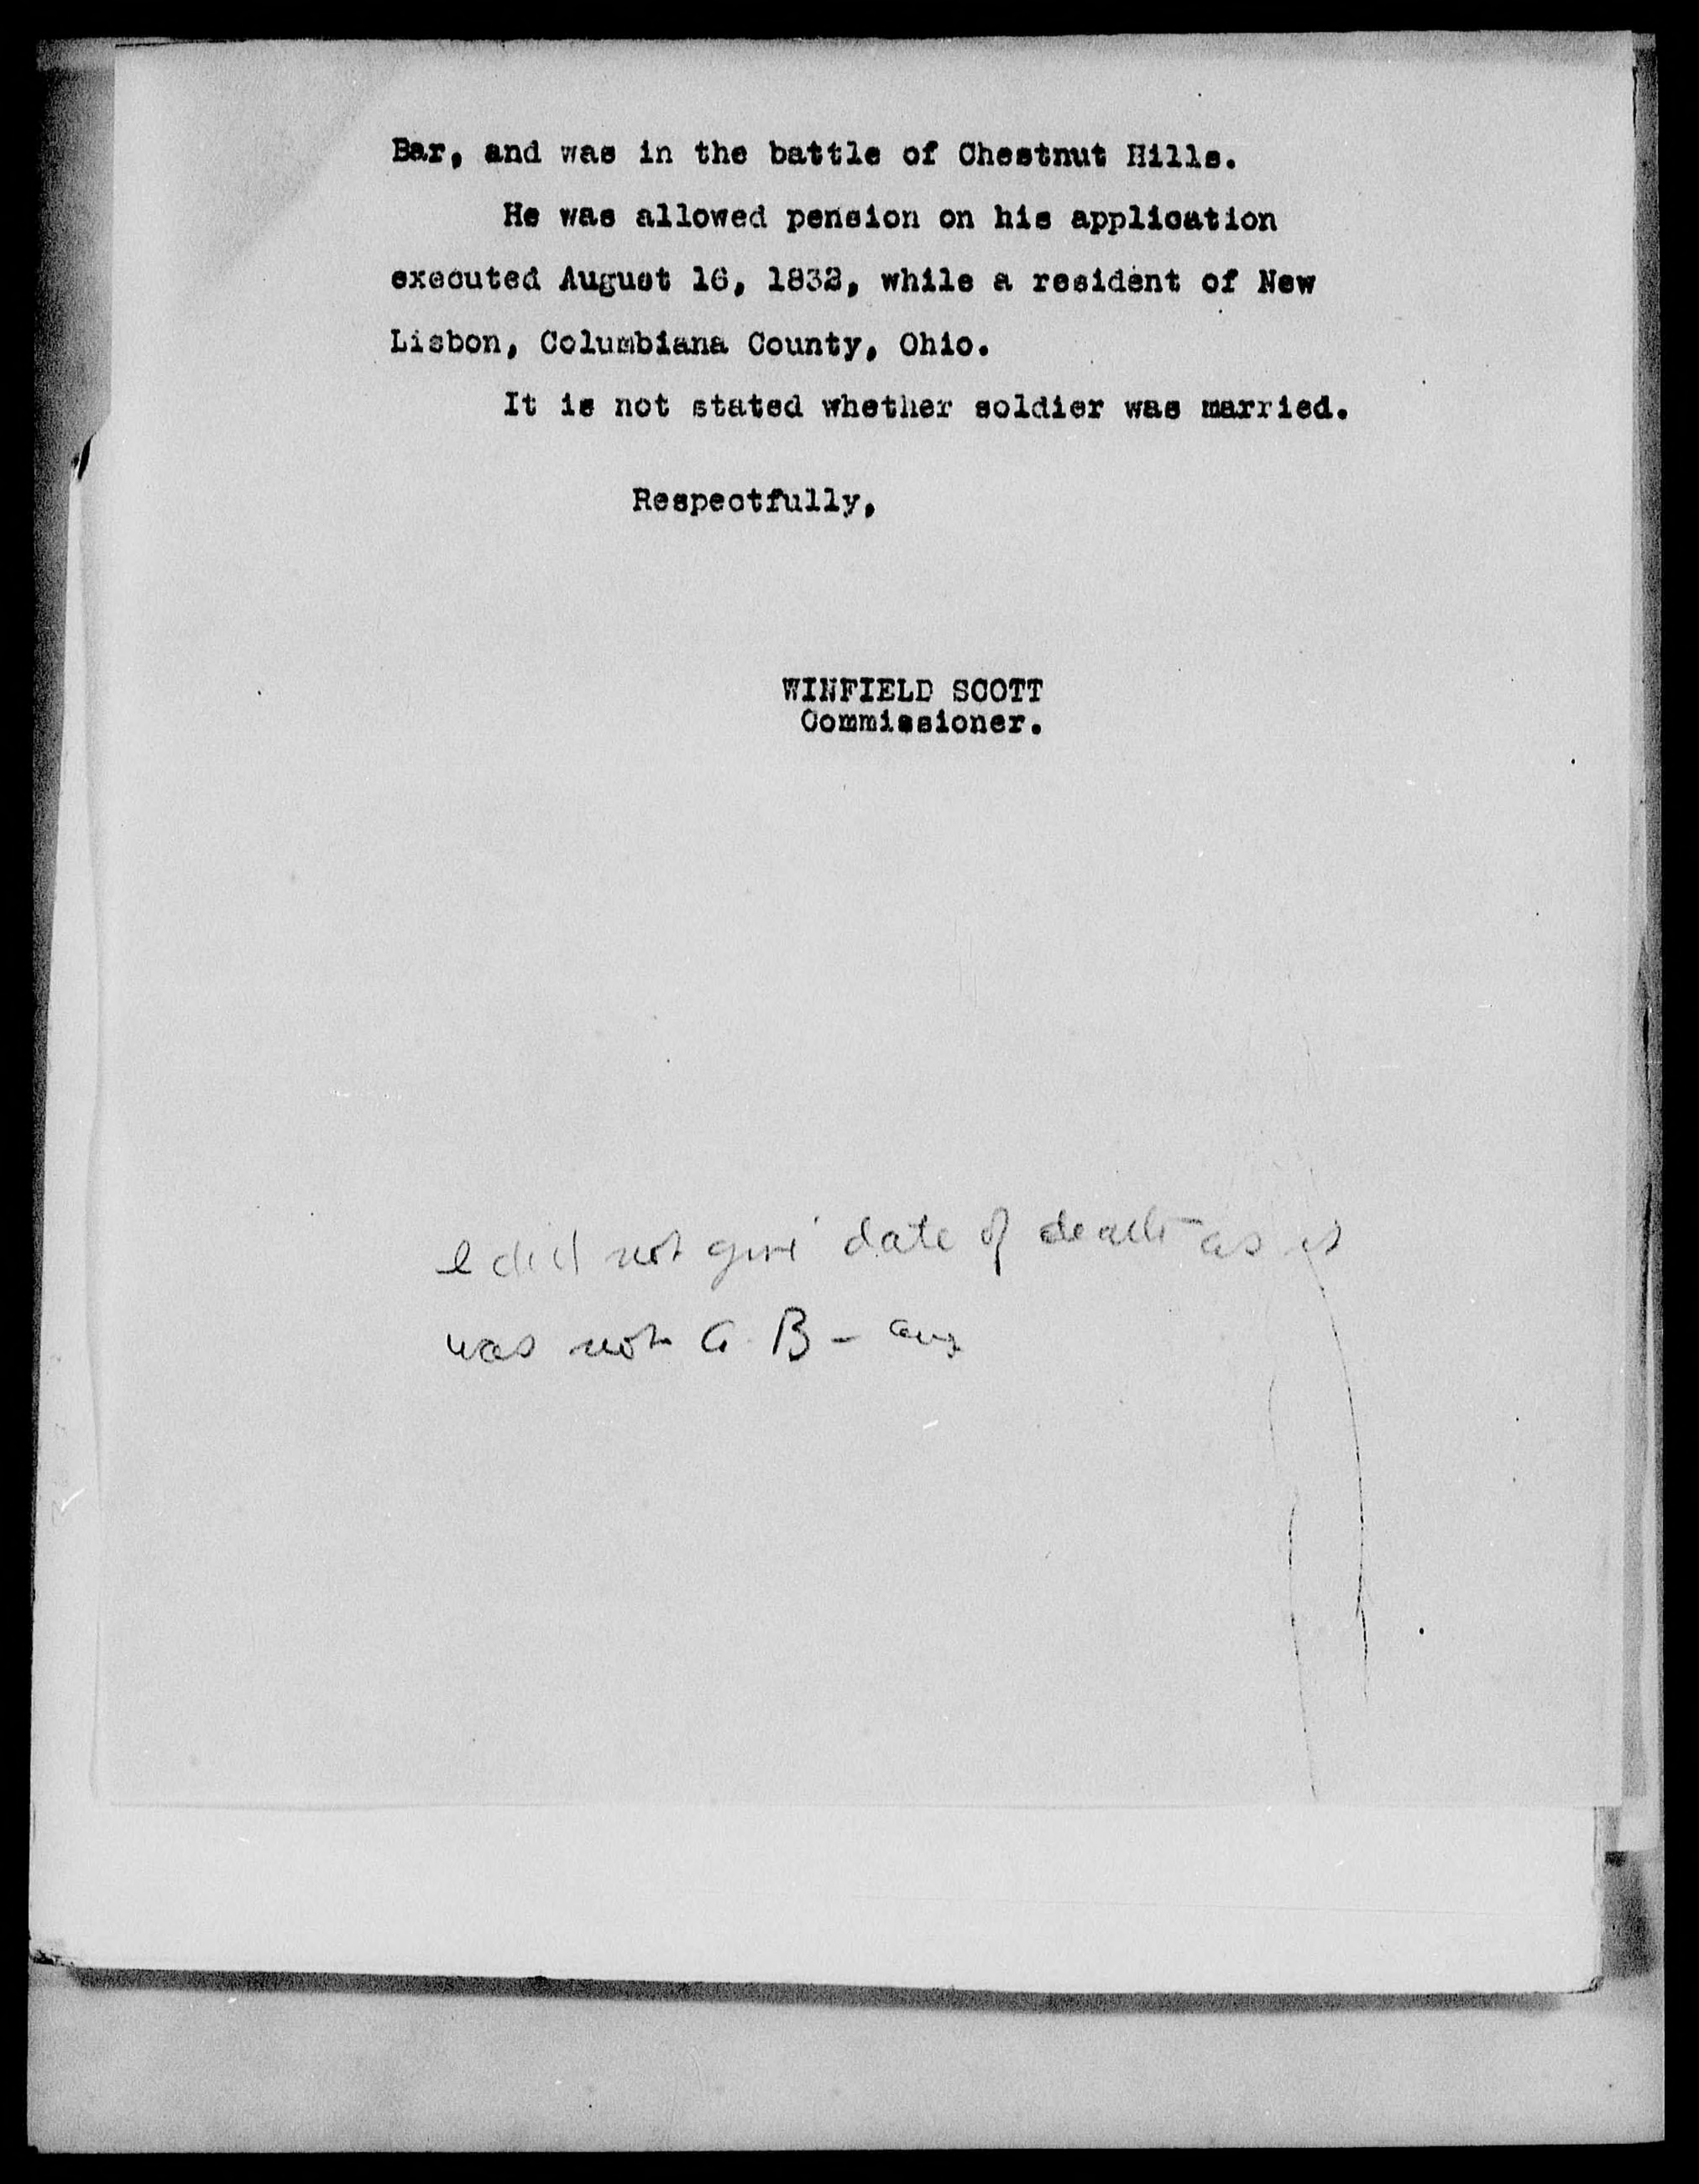Bar, and was in the battle of Chestnut Hills.
He was allowed pension on his application
executed August 16, 1832, while a resident of New
Lisbon, Columbiana County, Ohio.
It is not stated whether soldier was married.

Respectfully,
WINFIELD SCOTT
Commissioner.

[handwritten note]
I did not give date of death as it
was not G.B. - [??]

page: 39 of 39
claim: survivor's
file: S. 2812, for David Mc Kinley, Pennsylvania